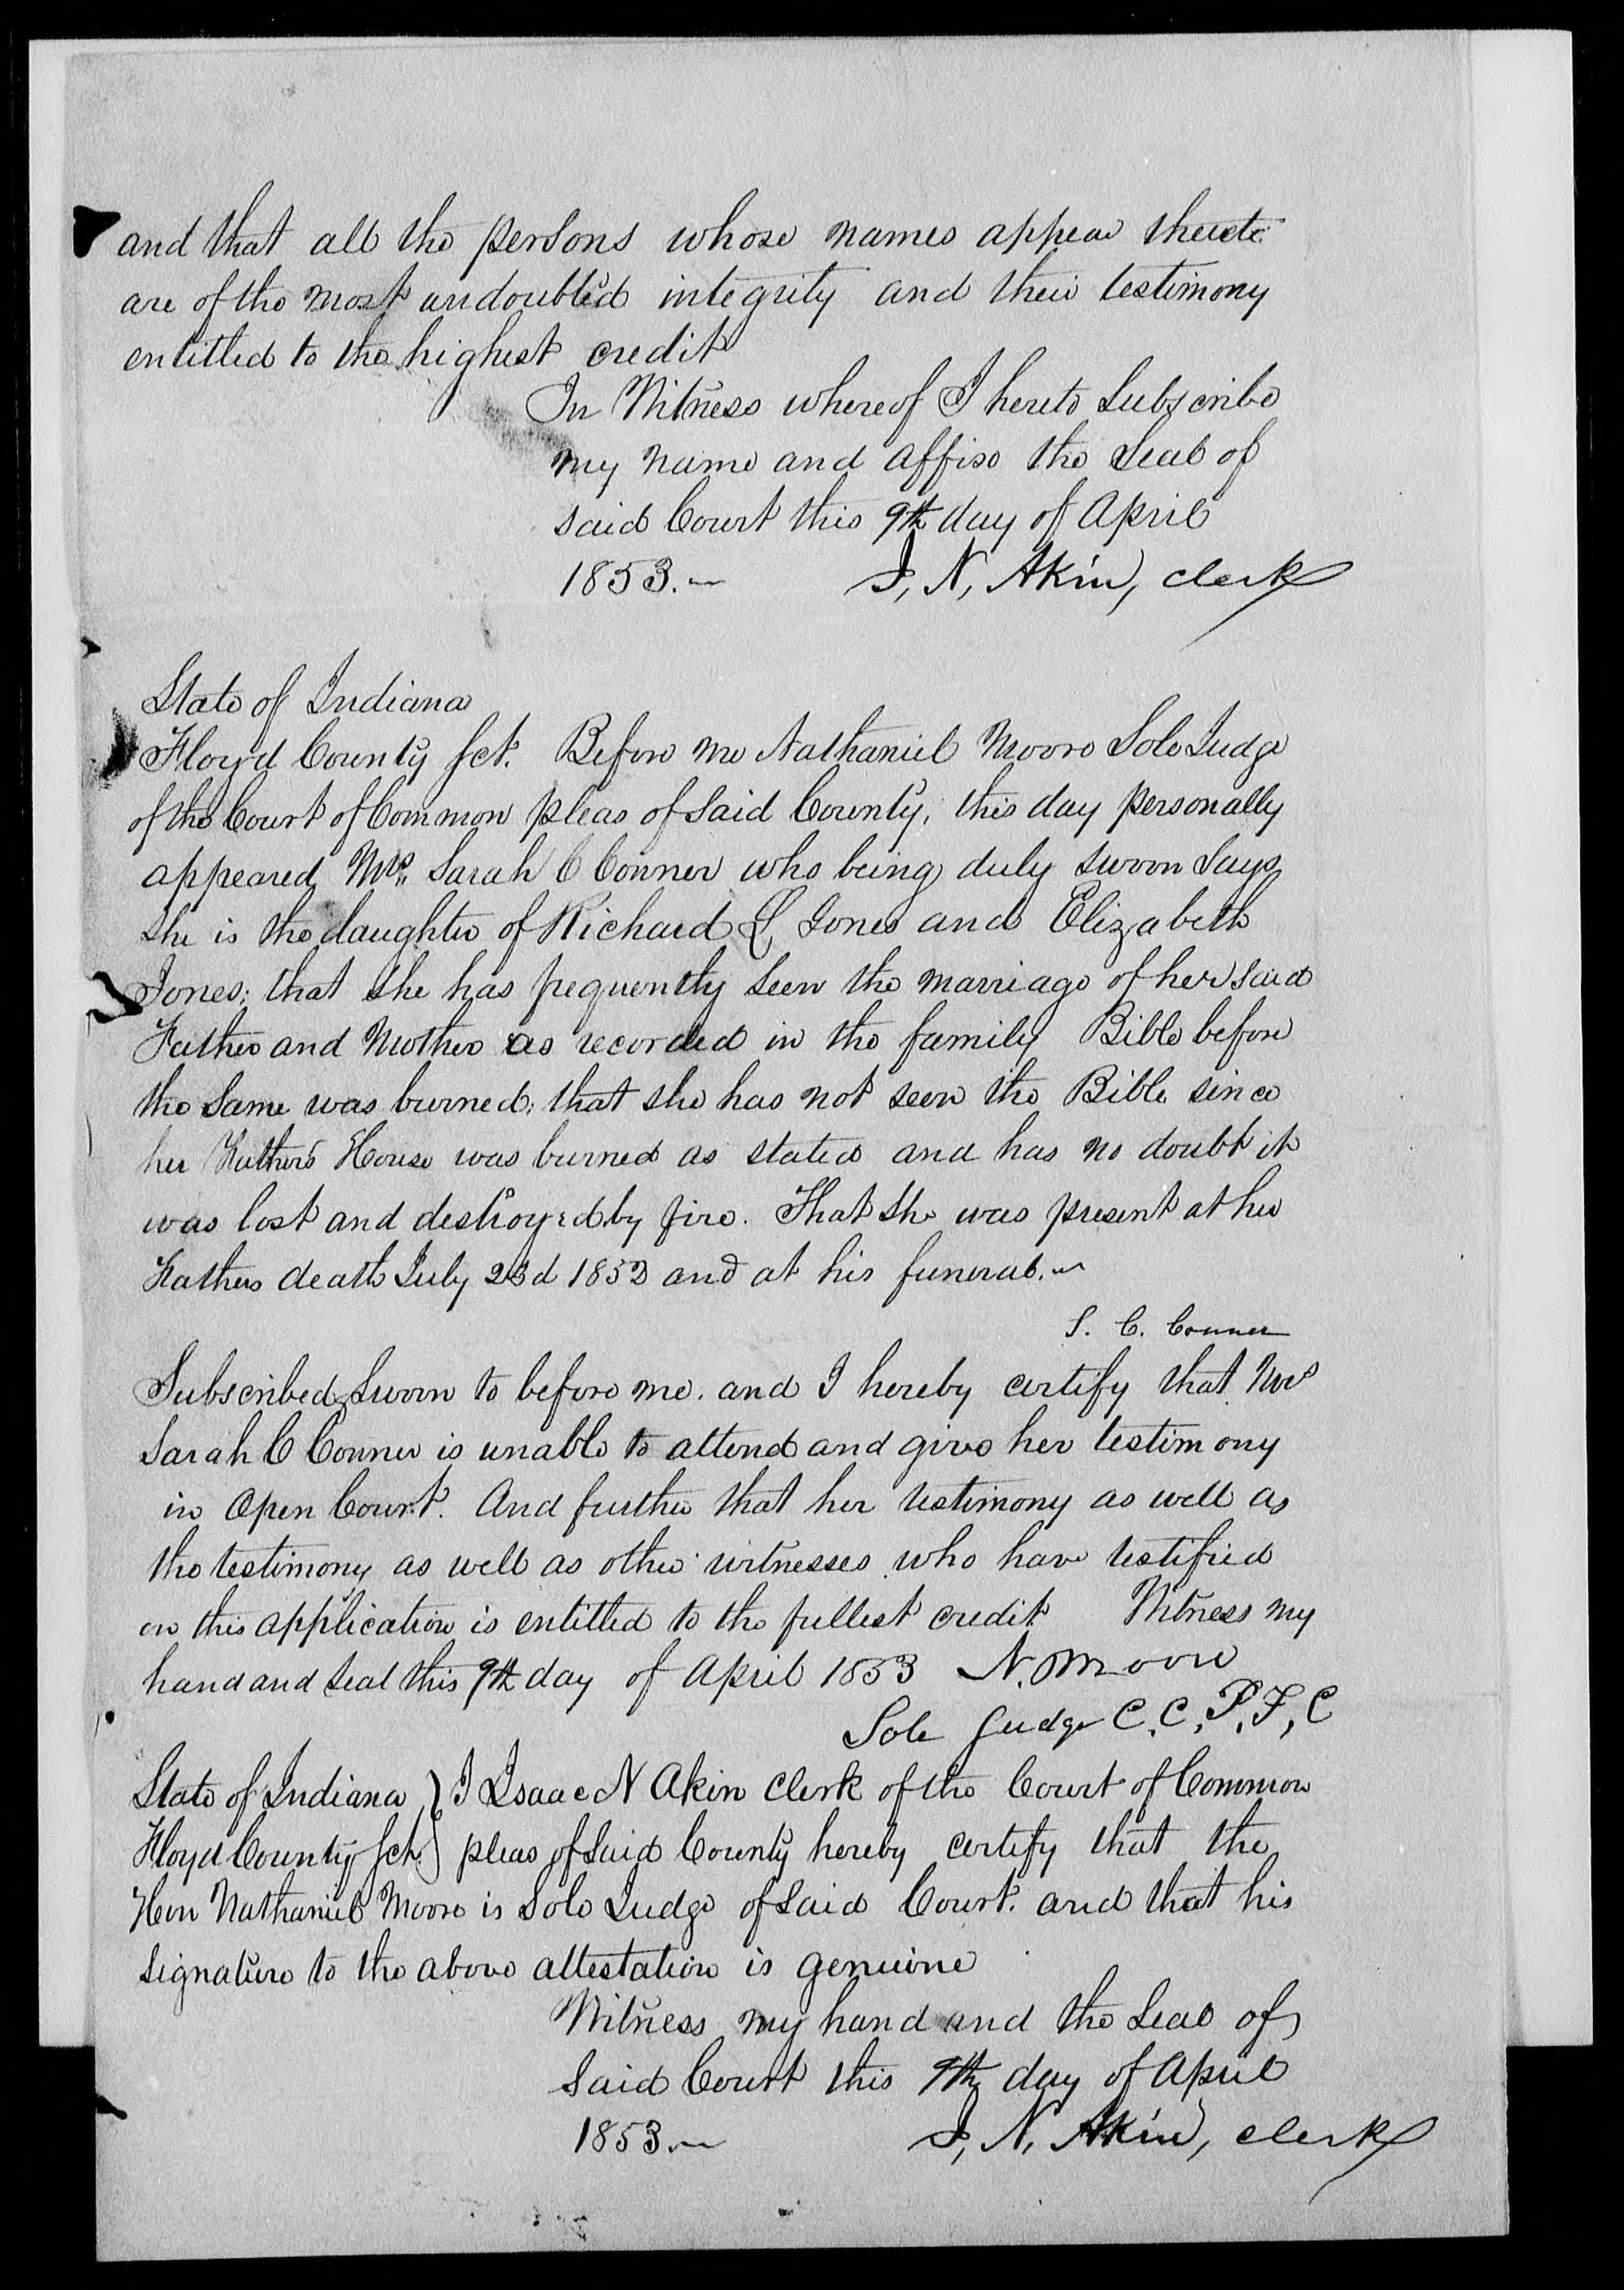and that all the persons whose names appear thereto are of the most undoubled integrity and their testimony entitled to the highest credit 
In Witness whereof I hereto subscribe
my name and affix the seal of
said Court this 9th day of April
1853.
J.N. Akin Clerk
State of Indiana
Floyd County sct.
Before me Nathaniel Moore Sole Judge
of the Court of Common pleas of said County, this day personally appeared Mrs Sarah C Conner who being duly sworn says she is the daughter of Richard Jones and Elizabeth
Jones, that she has frequently seen the marriage of her said Father and mother as recorded in the family Bible before the same was burned, that she has not seen the Bible since her Father's house was burned as stated and has no doubt it was lost and destroyed by fire. That she was present at her Fathers death July 23 1852 and at his funeral 
S. C. Conner
Subscribed sworn to before me, and I hereby certify that this Sarah C Conner is unable to attend and give her testimony in open Court. And further that her testimony as well as
the testimony as well as other witnesses who have testified on this application is entitled to the fullest credit
Witness my hand and seal this 9th day
of April 1853 
N. Moore
Sole Judge C.C.P.F.C
State of Indiana 
Floyd County Sct 
I Isaac N Akin Clerk of the Court of Common pleas of said County hereby certify that the
Hon Nathaniel Moore is sole Judge of said Court and that his signature to the above
attestation is genuine
Witness my hand and the seal of
said Court this 9th day of April
1853
J.N. Akin, Clerk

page: 12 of 62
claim: widow's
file: W. 765, for Richard L Jones, Connecticut